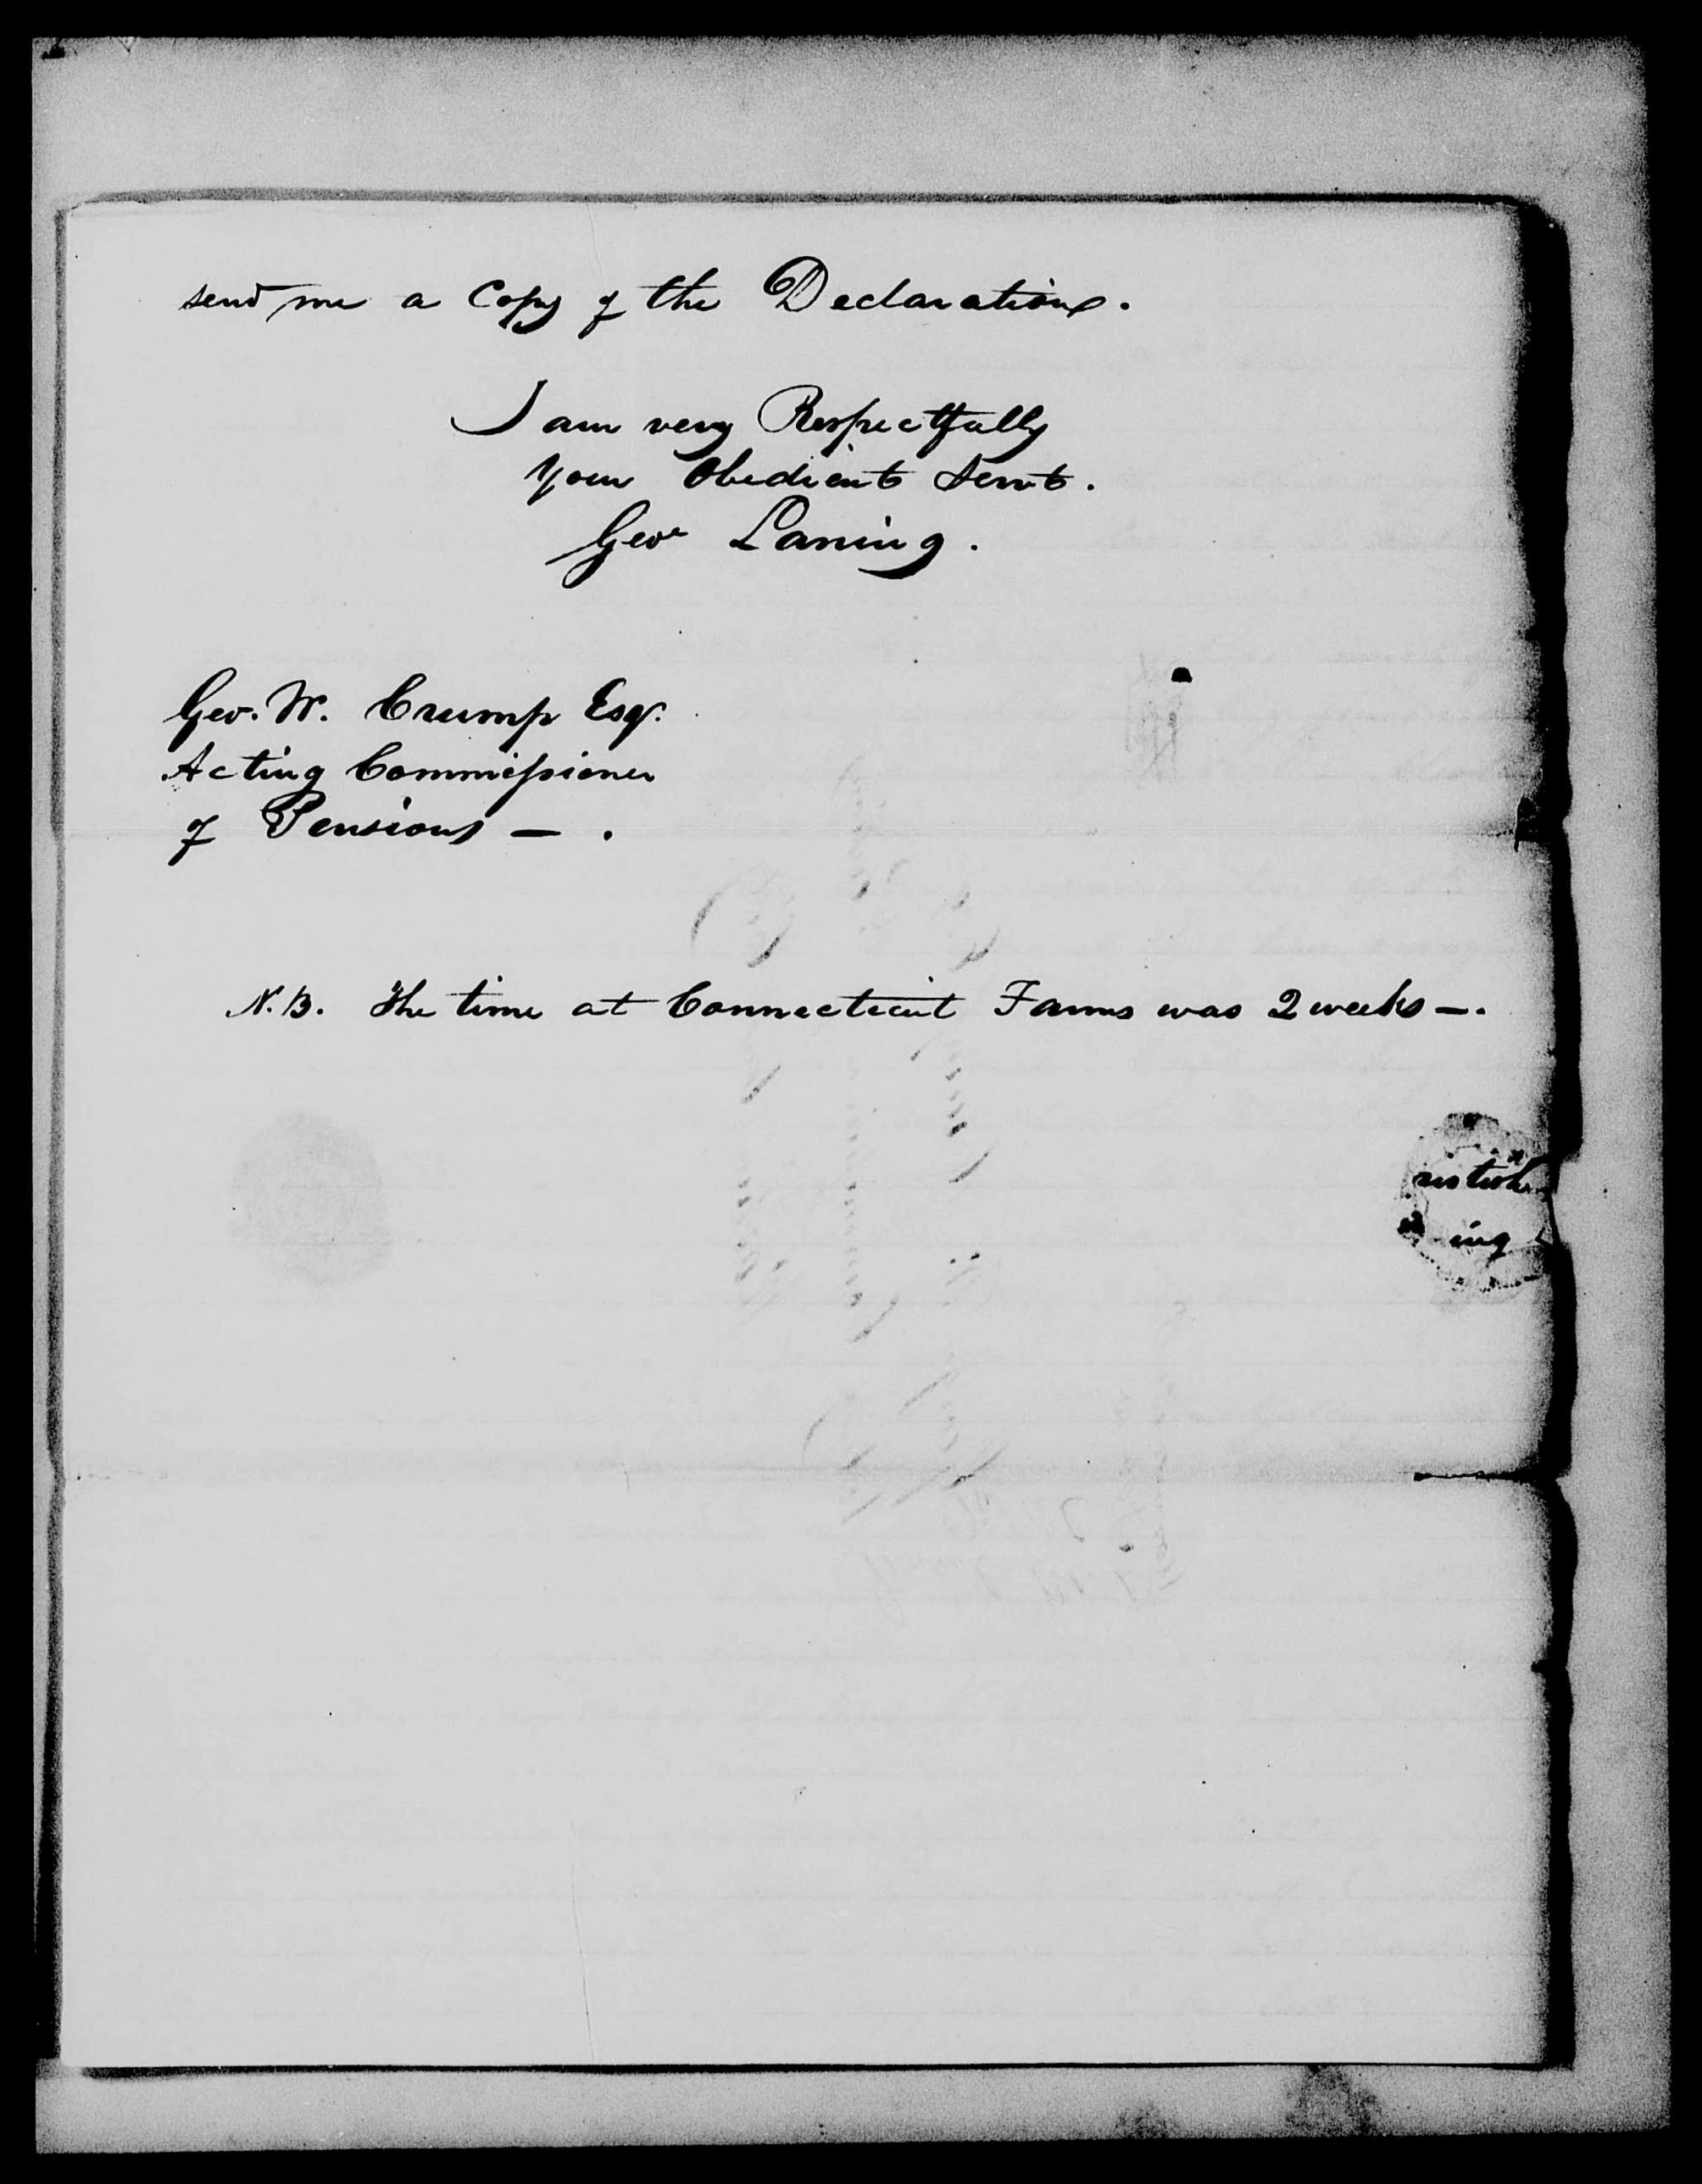send me a copy of the Declaration.

I am very Respectfully
Your Obedient Servt.
Geo. Laning.

Geo. W. Crump Esq.
Acting Commissioner
of Pensions-.

N. B. The time at Connecticut Farms was 2 weeks-.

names: Geo W Crump; Geoe Laning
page: 5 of 39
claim: rejected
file: R. 6154, for James Laning, New Jersey